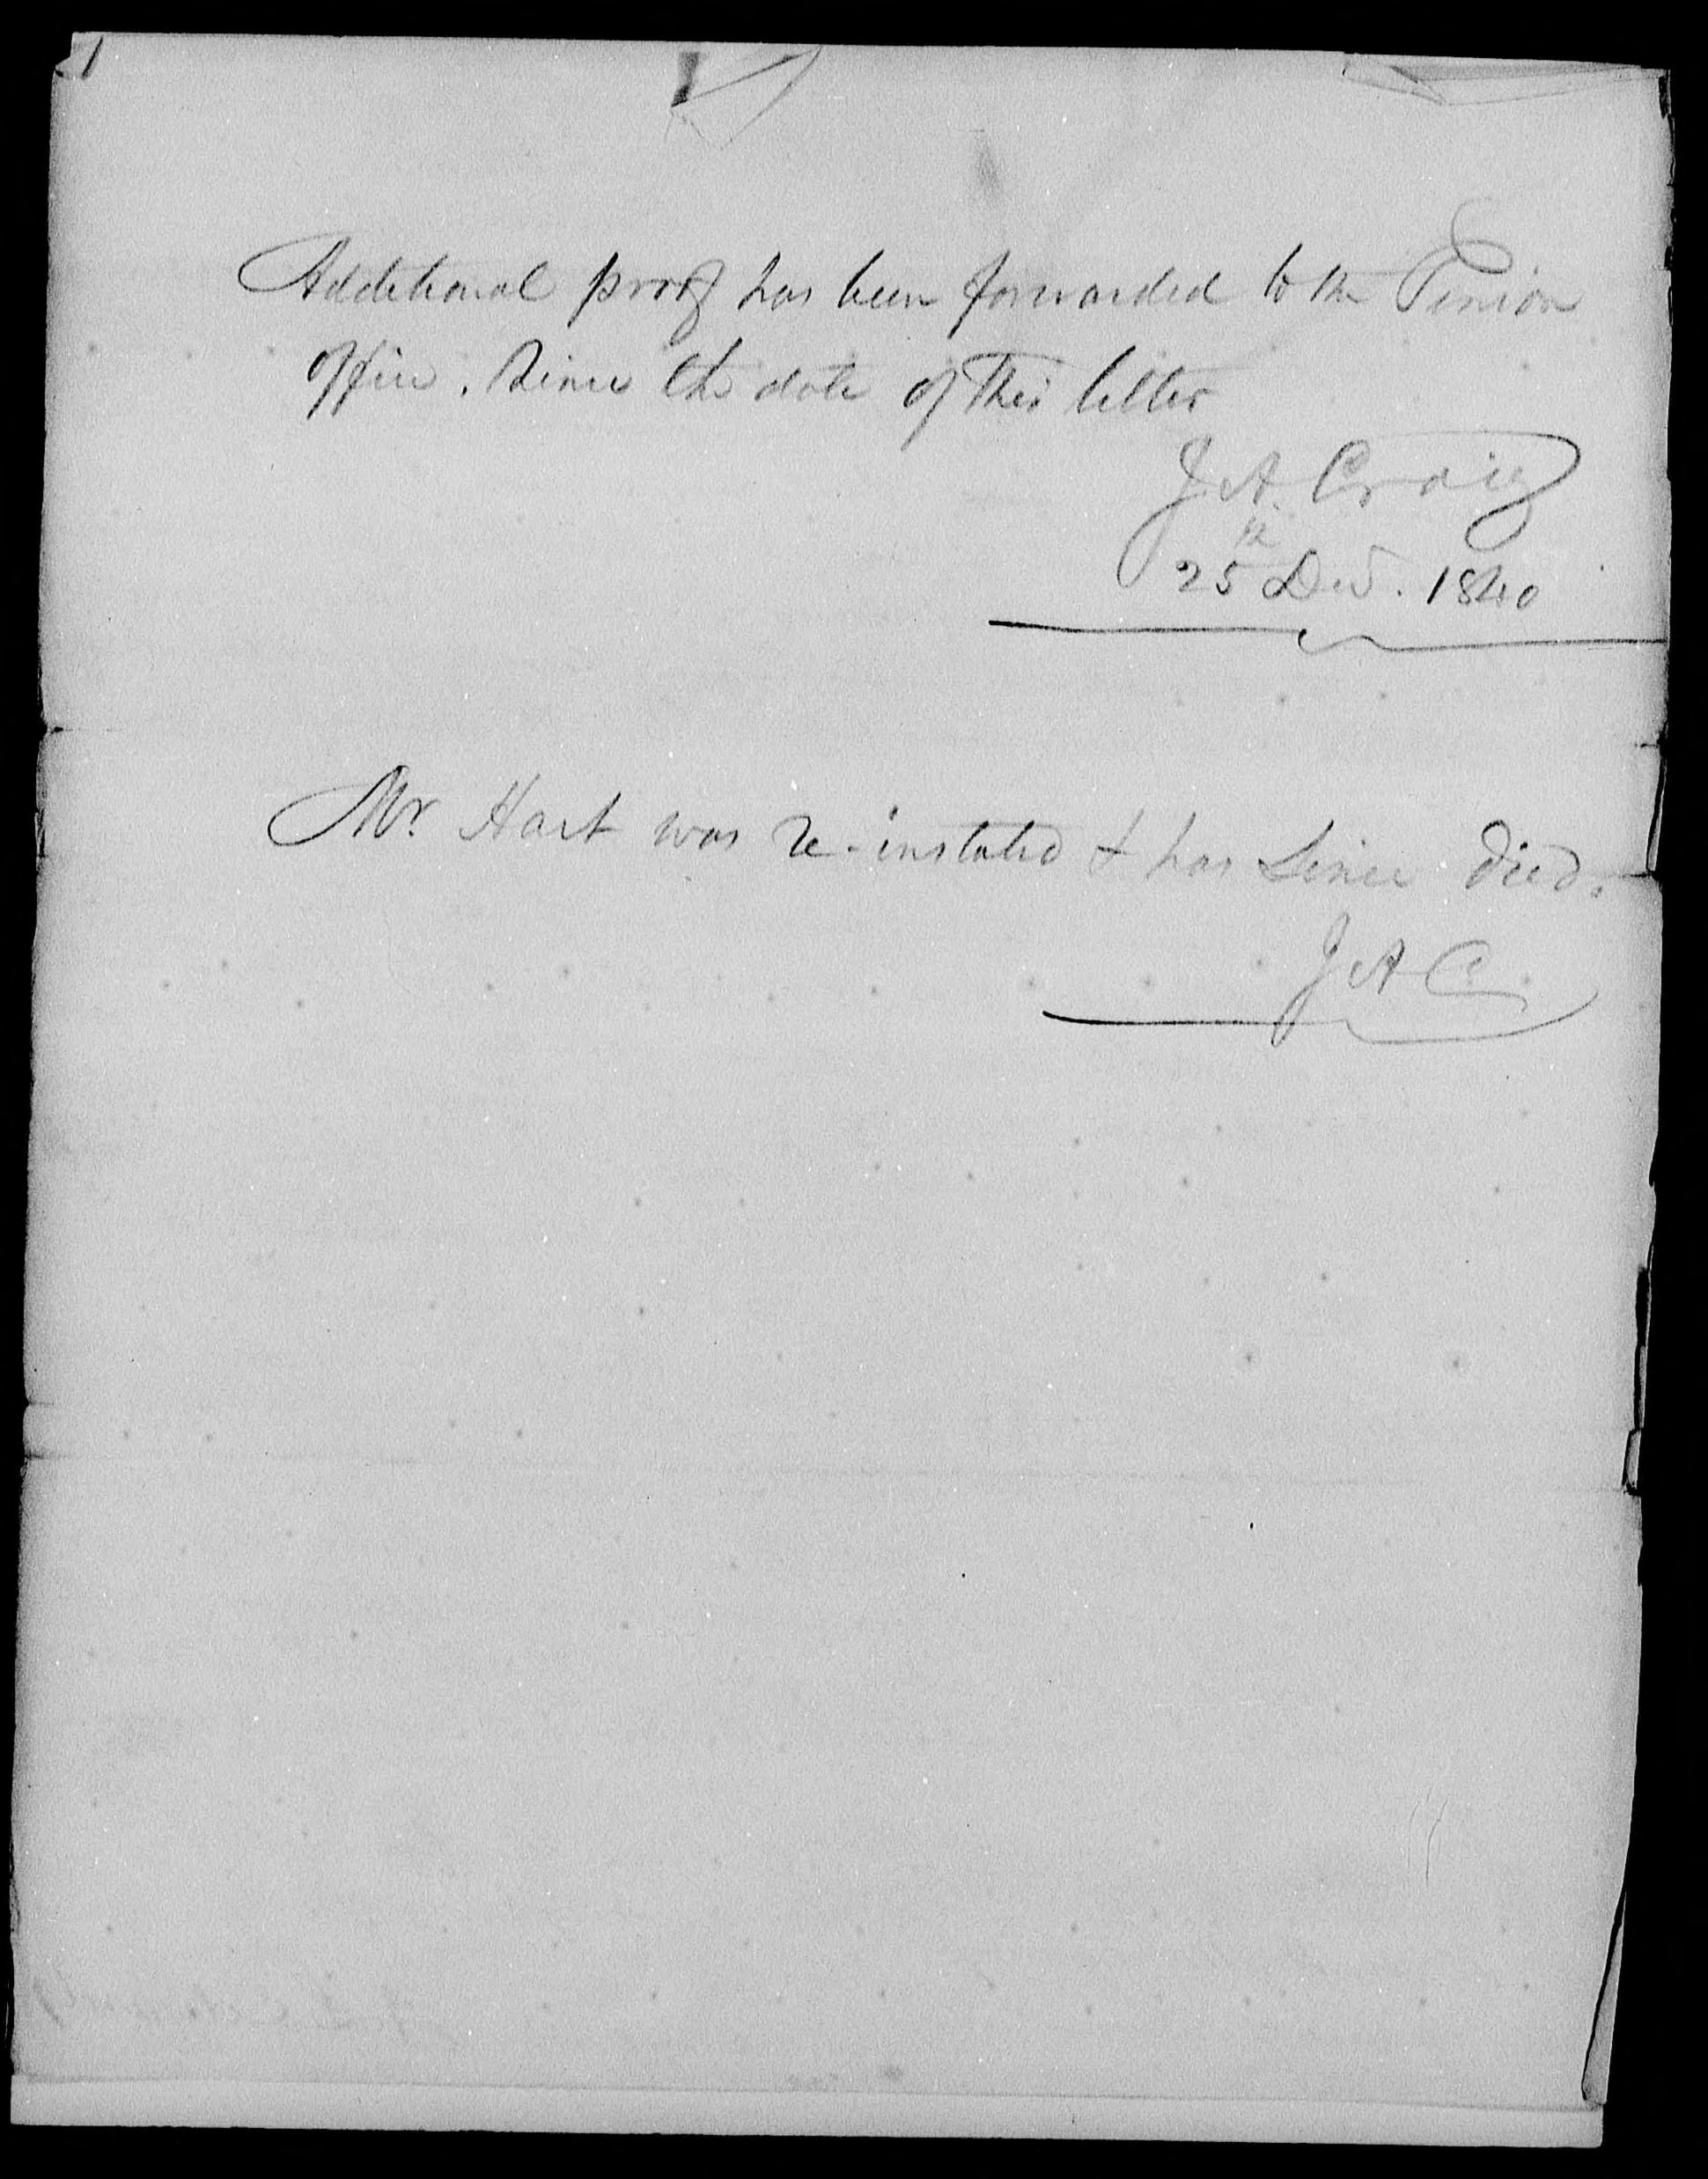[Continuation of handwritten letter]

Additional proof has been forwarded to the Pension office, Since the date of This letter

J A. Craig
25th Decr. 1840
[Hand-drawn partially wavy line underneath the date]


Mr. Hart was re-instated and has Since died.
J A C [J A Craig]
[Hand-drawn partially wavy line underneath the initials.]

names: J A Craig, Hart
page: 66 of 145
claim: survivor's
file: S. 8265, William Cumming, N.C.